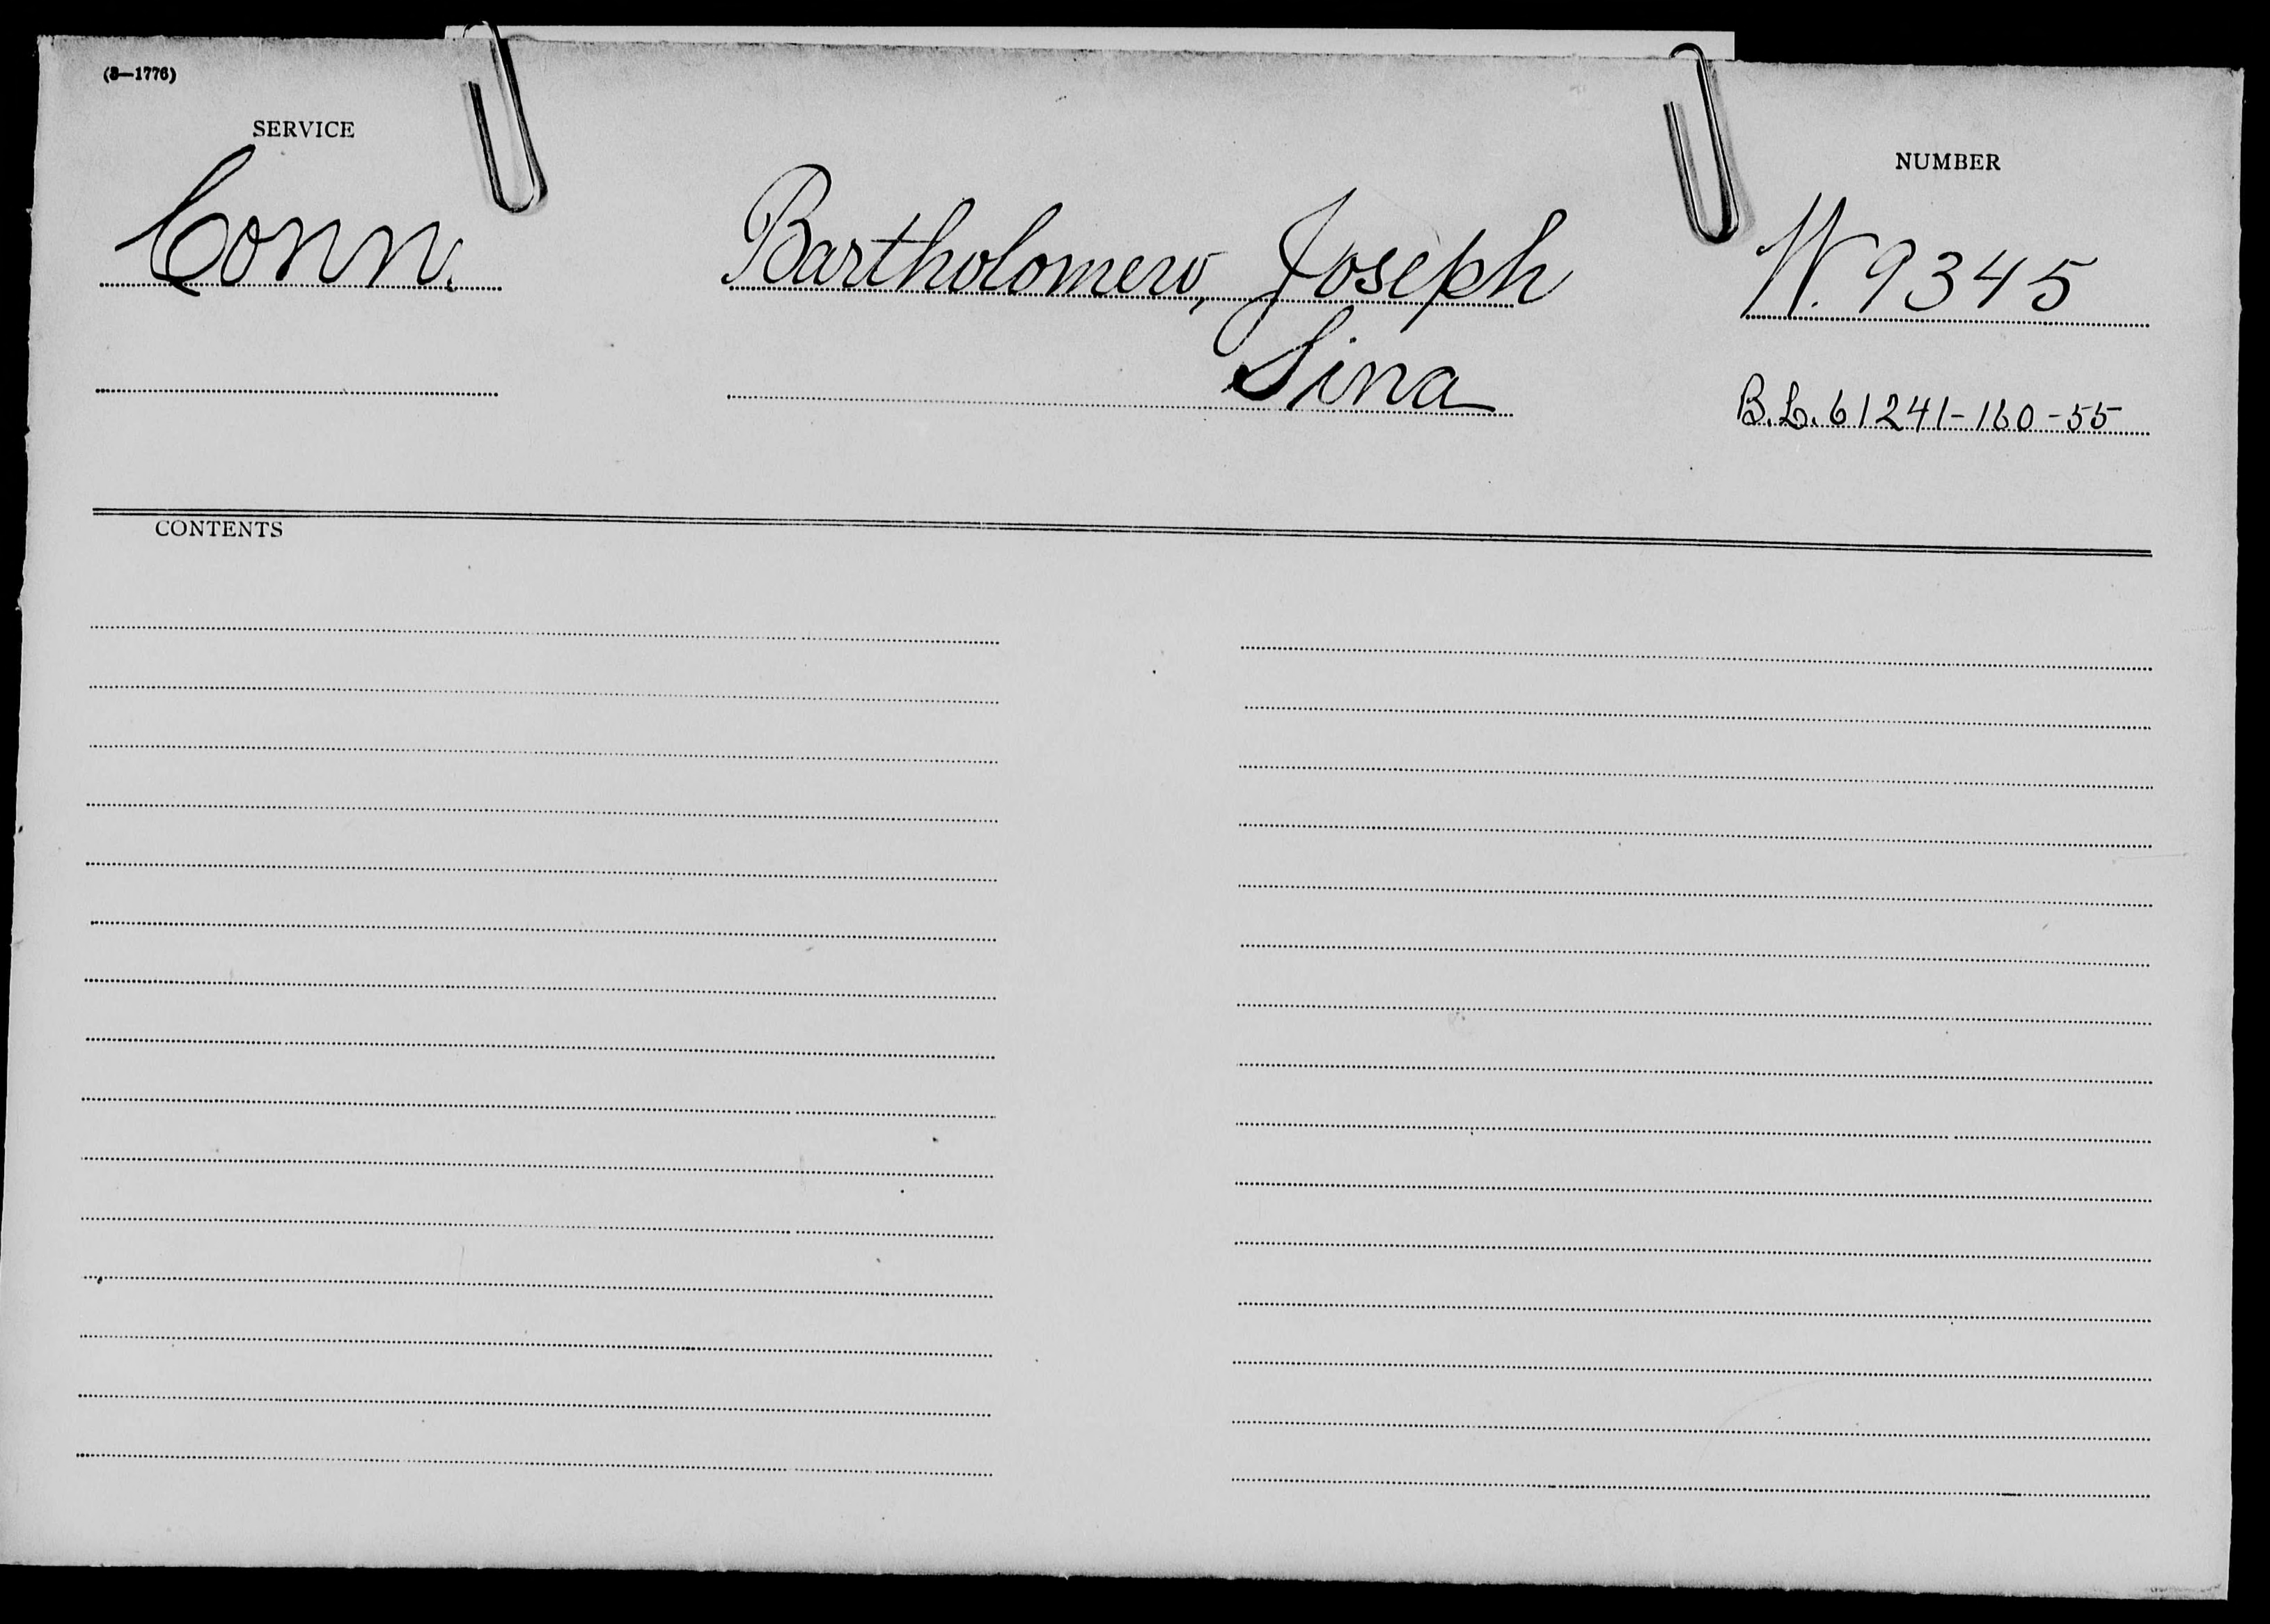Conn. 
Bartholomew, Joseph Sina
W. 9345
B. L. 61241-160-55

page: 1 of 76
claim: widow's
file: W. 9345, Joseph Bartholomew, Conn.